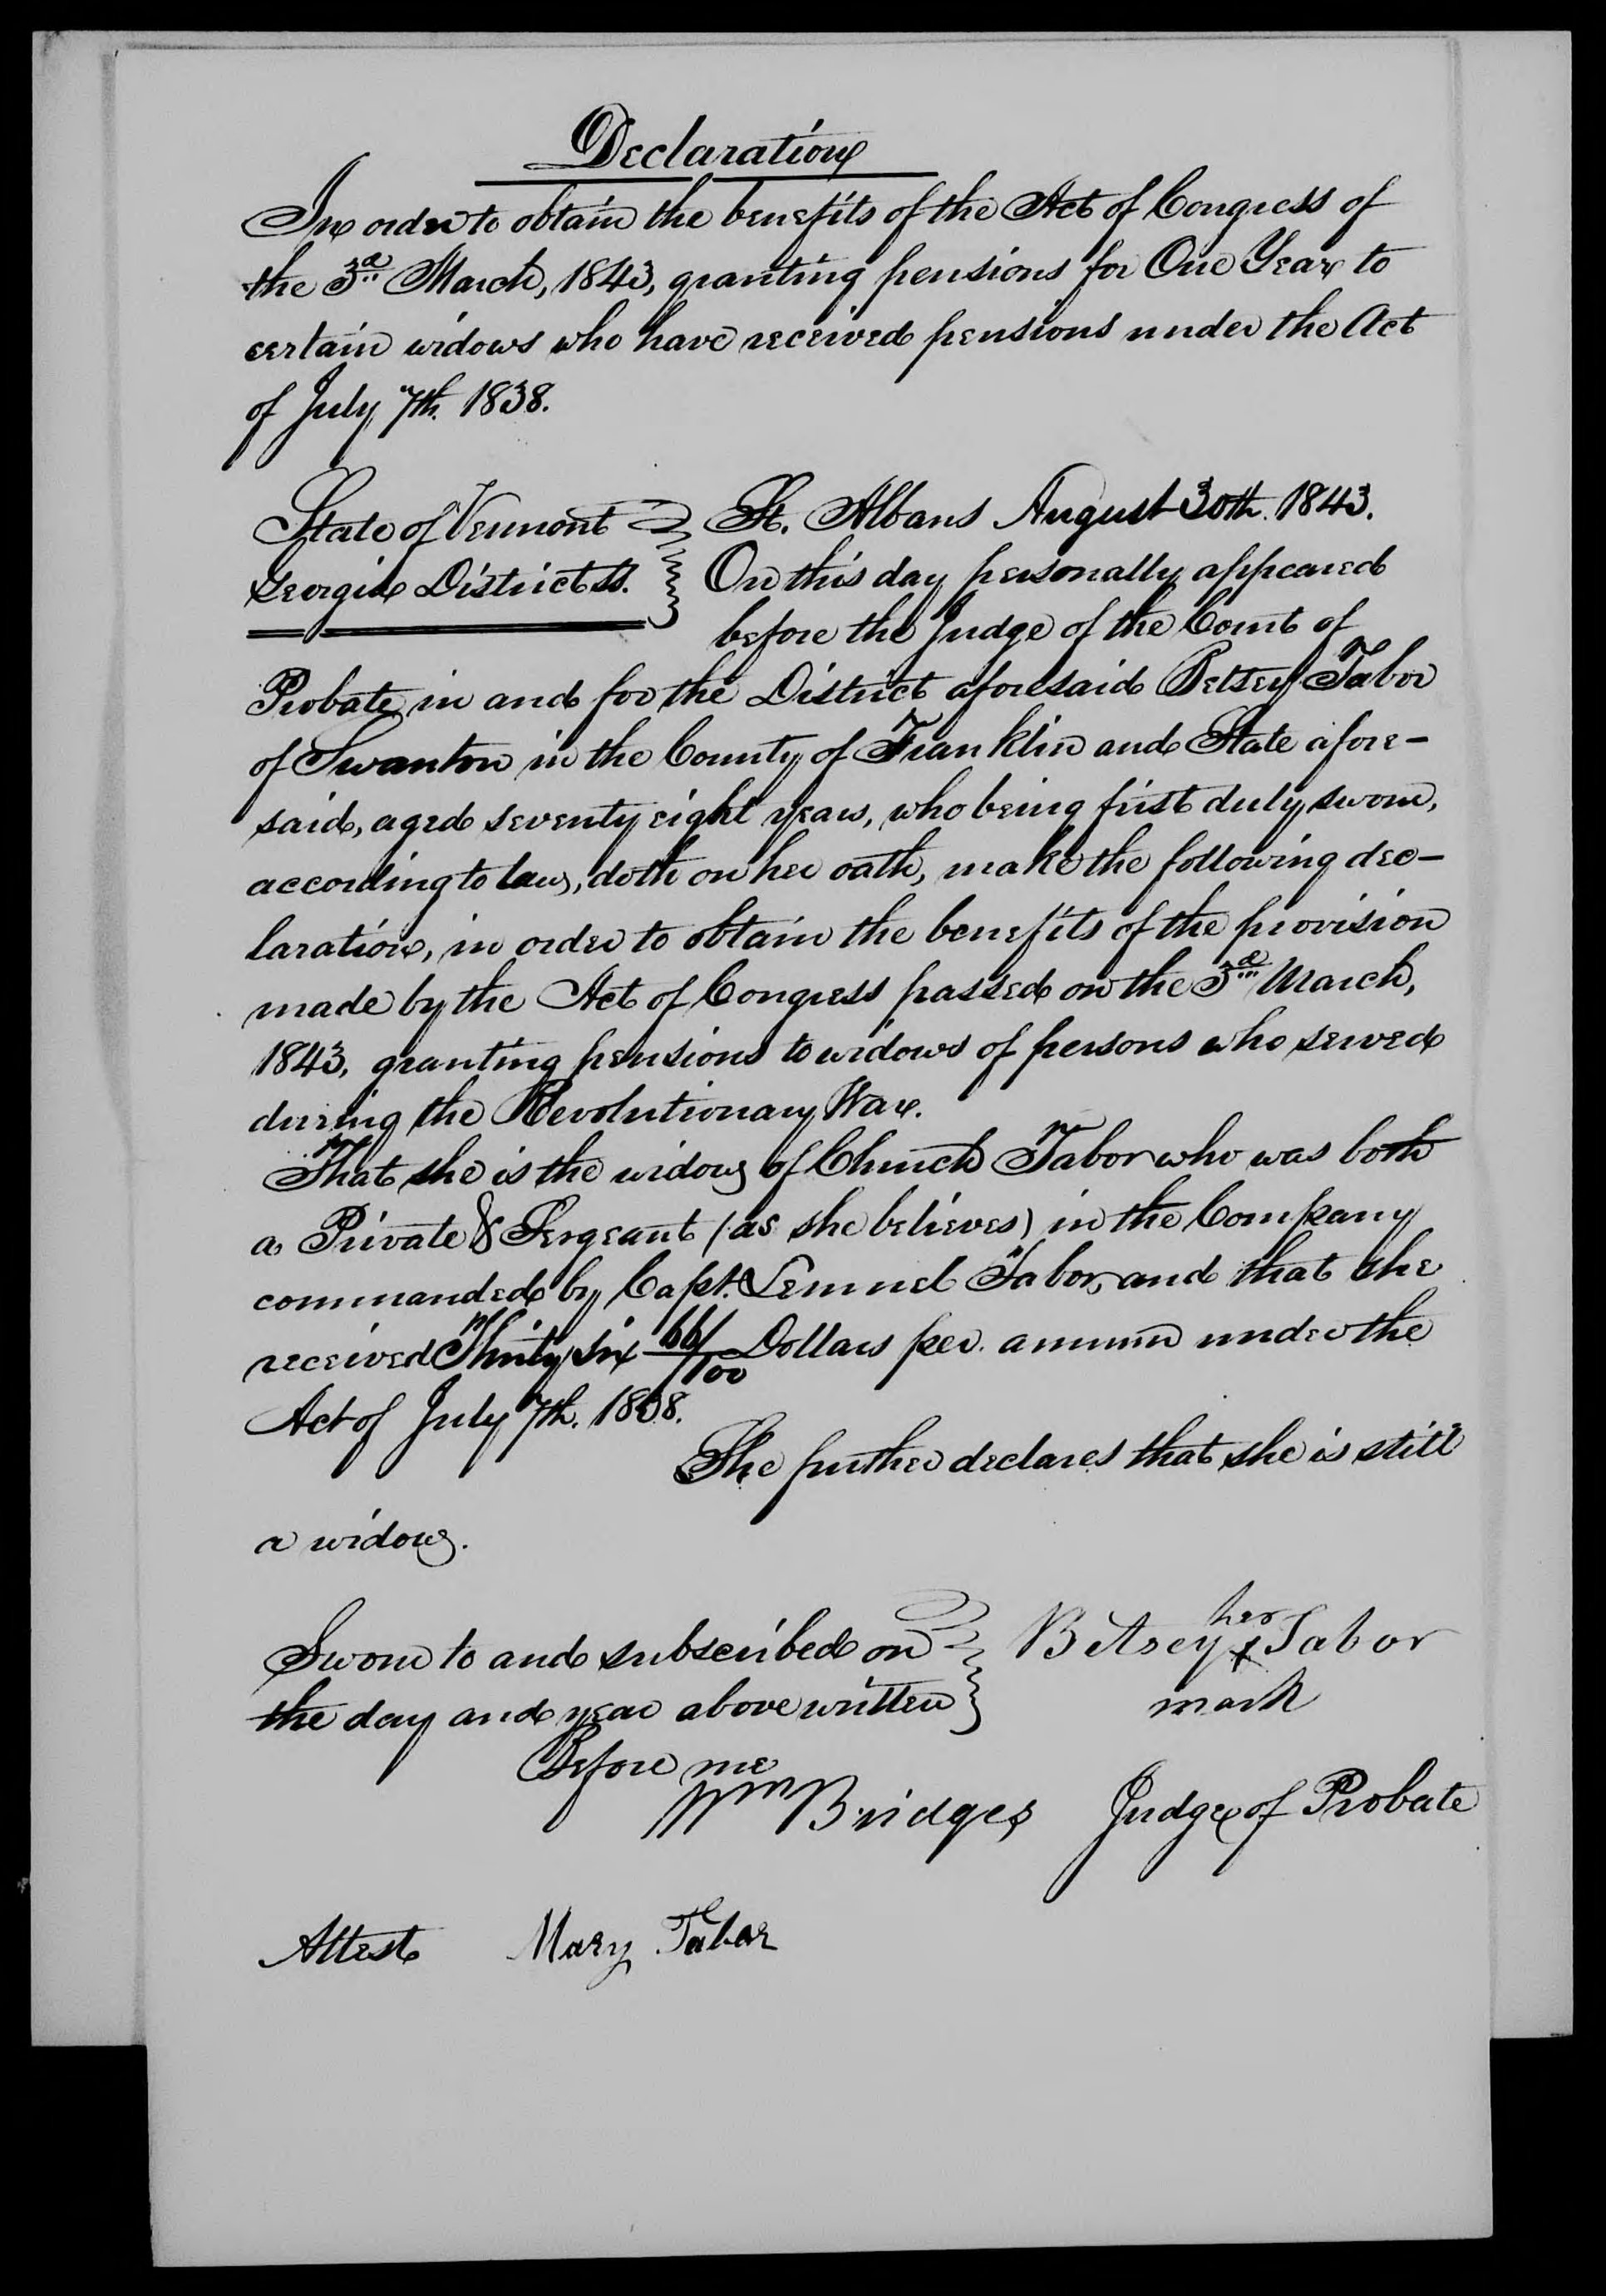Declaration
In order to obtain the benefits of the Act of Congress of the 3d March, 1843, granting pensions for One Year to certain widows who have received pension under the Act of July 7th 1838.

State of Vermont
Georgia District SS  St. Albans August 30th 1843
On this day personally appeared before the Judge of the Court of Probate in and for the District aforesaid Betsey Tabor of Swanton in the County of Franklin and State aforesaid aged seventy eight years, who being first duly sworn according to law, doth on her oath, make the following declaration in order to obtain the benefits of the provision made by the Act of Congress passed on the 3d March,1843 granting pensions to widows of persons who served during the Revolutionary War.
That she is the widow of Church Tabor who was both a Private & Sergeant (as she believes) in the Company commanded by Capt. Lemuel Tabor and that she received Thirty six 66/100 Dollars per annum under the Act of July 7th 1838.
She further declares that she is still a widow.
Betsey Tabor
her X mark
Sworn to and subscribed on the day and year above written.
Before me,
Wm. Bridges, Judge of Probate

Attest  Mary Tabor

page: 28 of 41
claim: widow's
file: W 26507, for Church Tabor, Massachusetts